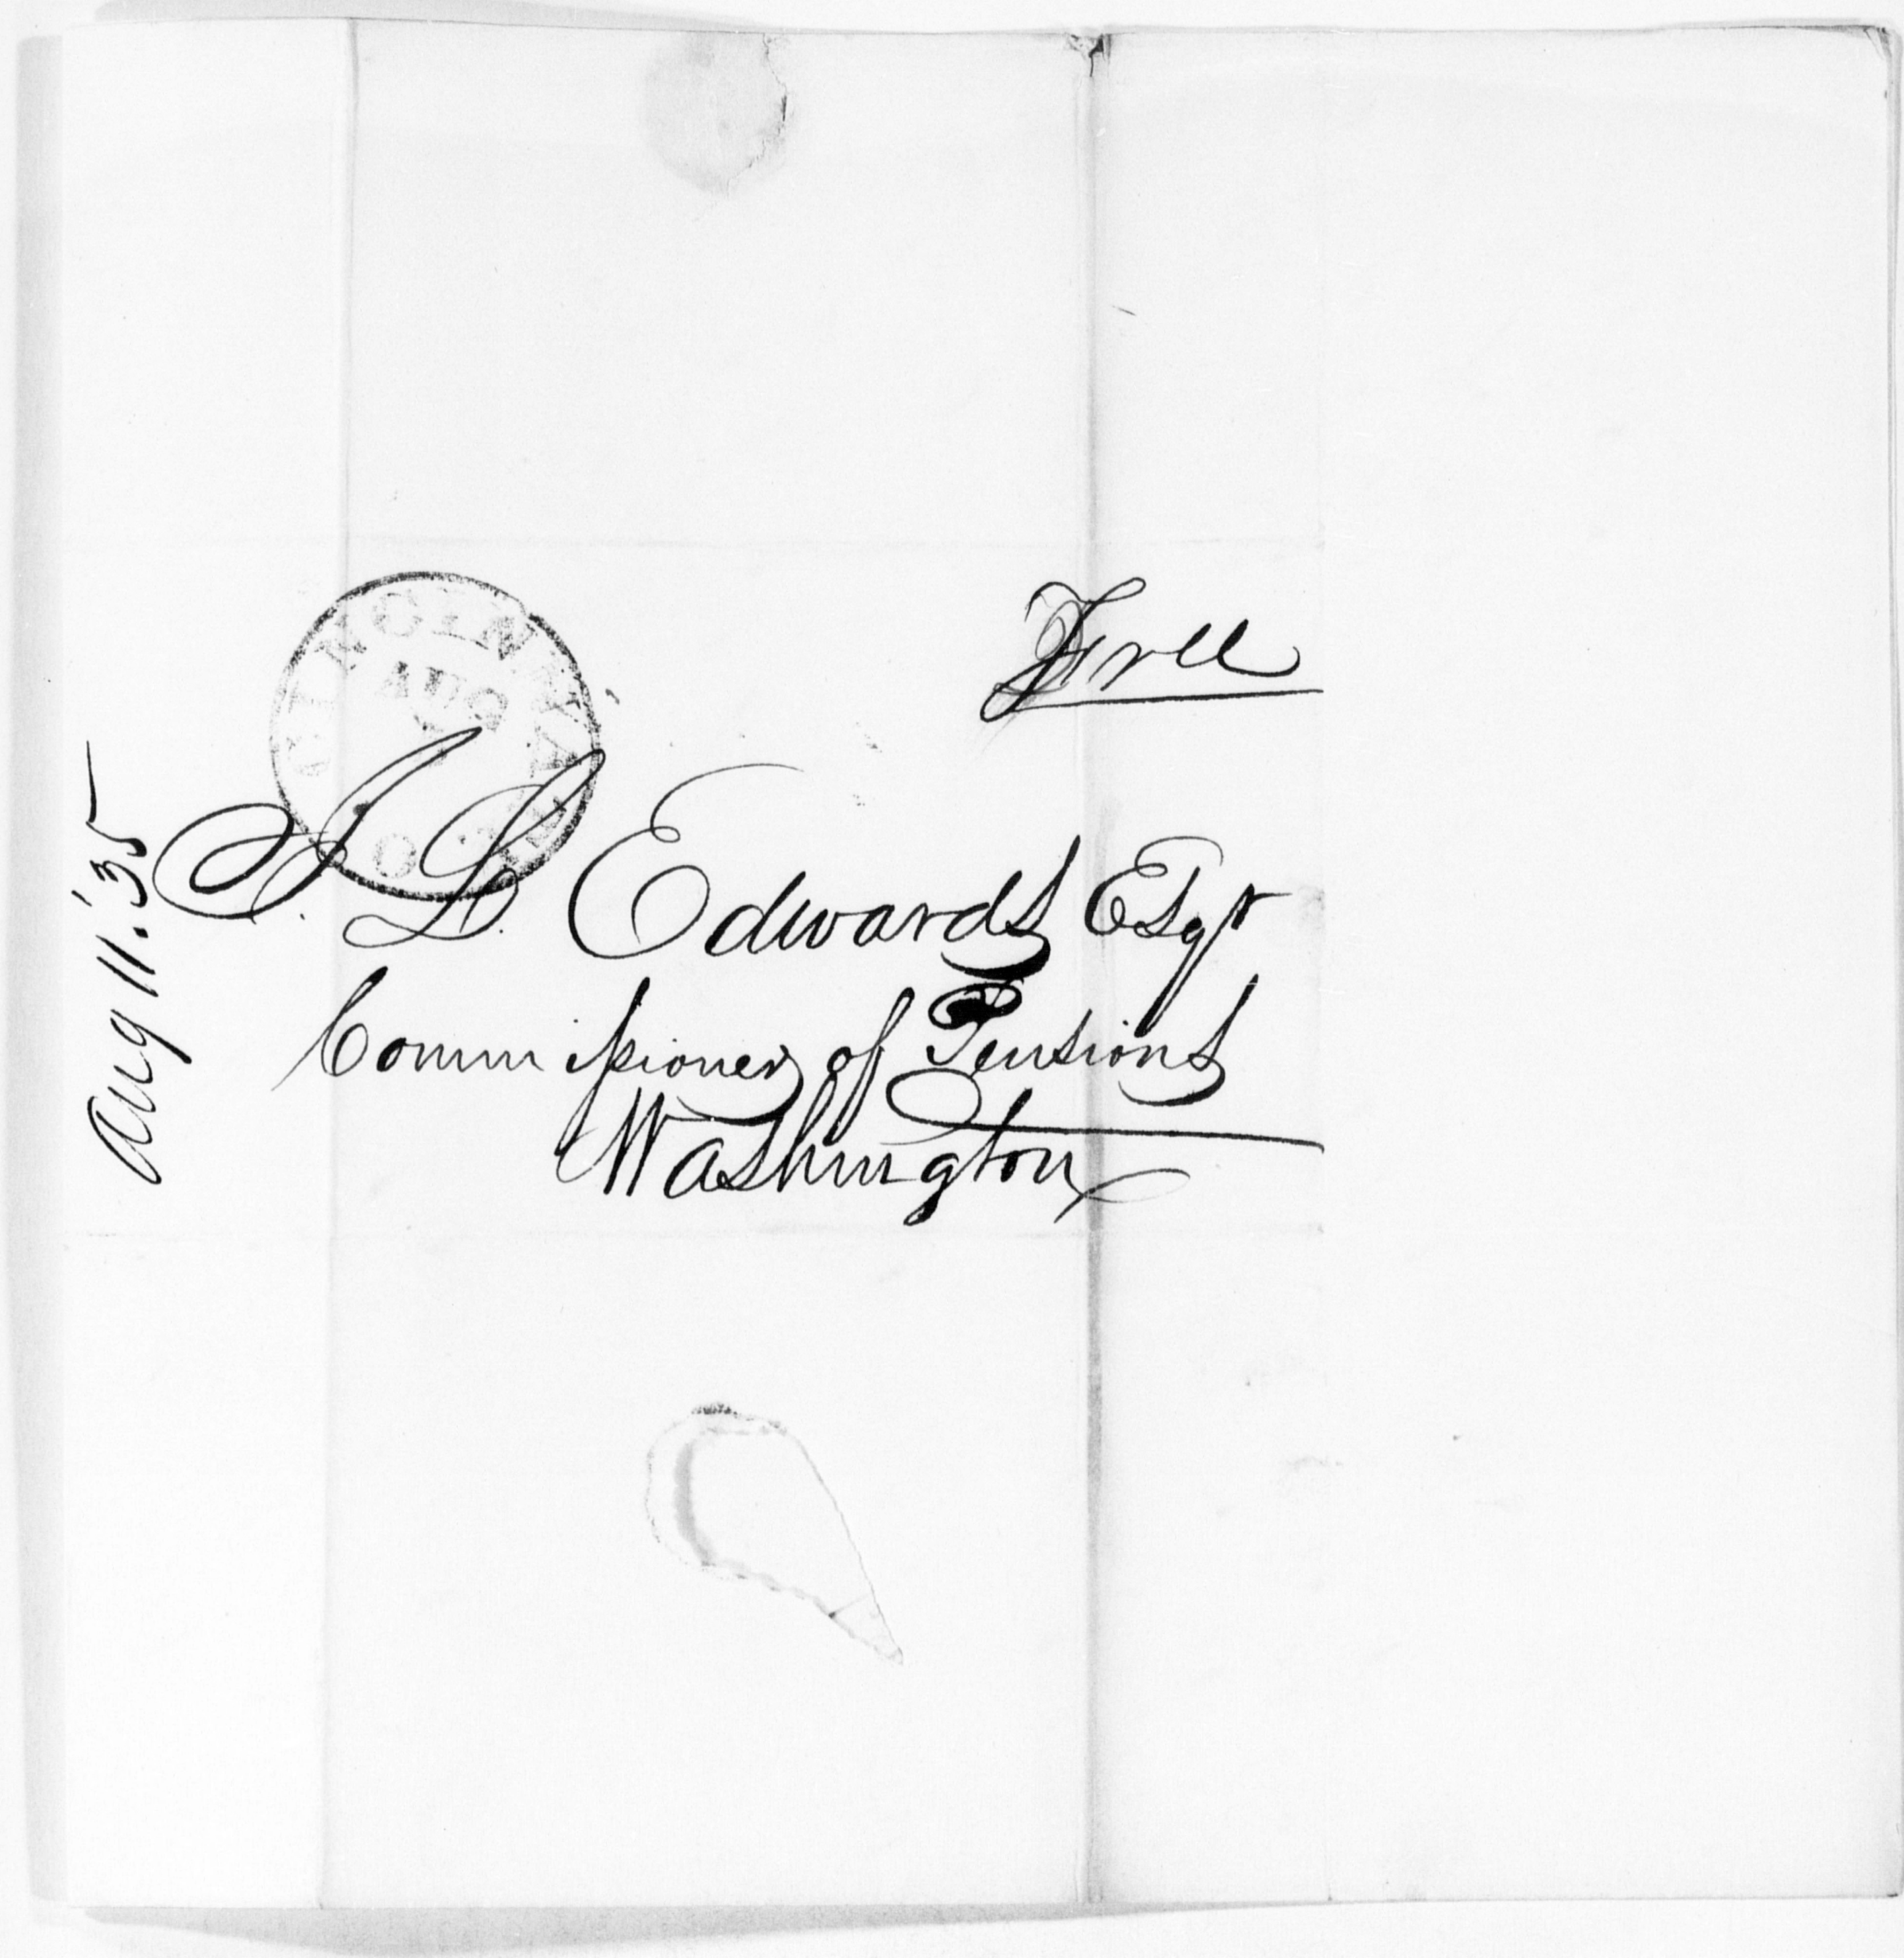Aug 11 .35
Free
J L Edwards Esqr
Commissioner of Pensions
Washington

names: J L Edwards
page: 48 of 78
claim: widow's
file: W. 4117, Nathaniel Bradley, Conn.